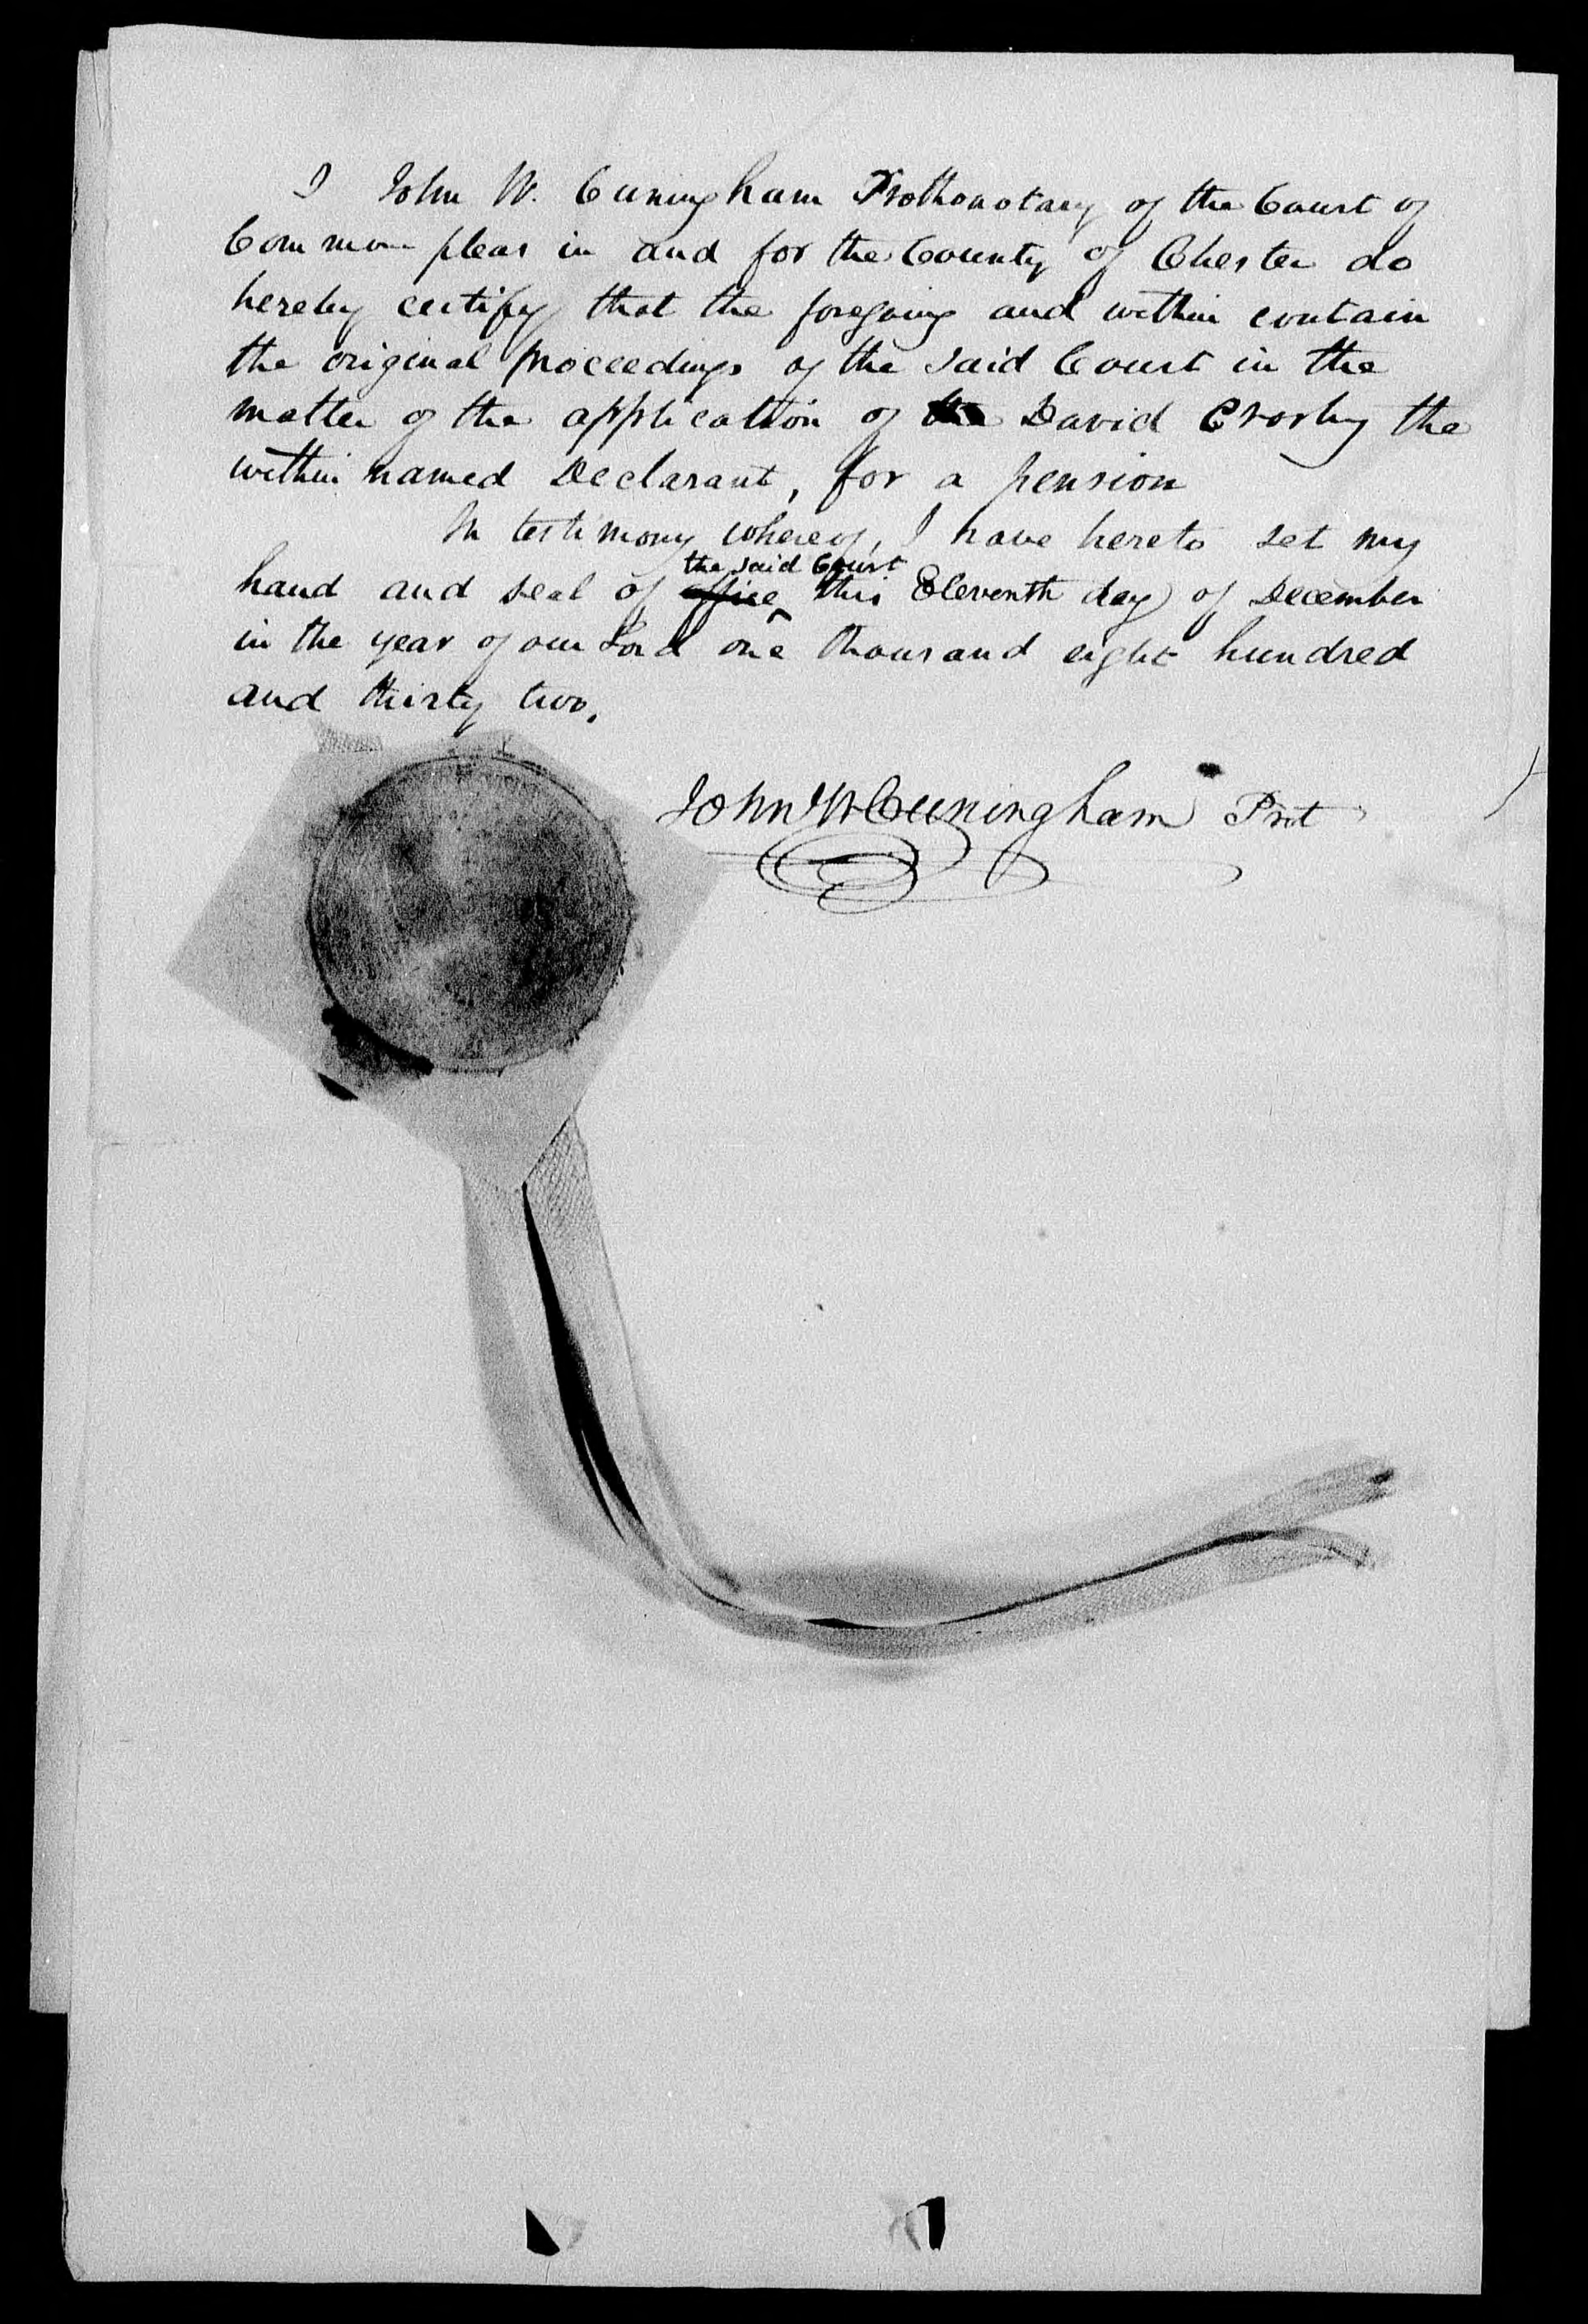John W Cuningham Prothonotary of the Court of
Common pleas in and for the County of Chester do
hereby certify that the foregoing and within contain
the original proceedings of the said Court in the
matter of the application of David Crosby the
within named Declarant, for a pension
In testimony whereof, I have hereto set my
hand and seal of the said court this Eleventh day of December
in the year of our Lord one thousand eight hundred
and thirty two
●
John W Cuningham Prot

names: John W Cuningham, John W Cuningham, David Crosby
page: 10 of 19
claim: survivor's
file: S. 12626, David Crosby, Penn.